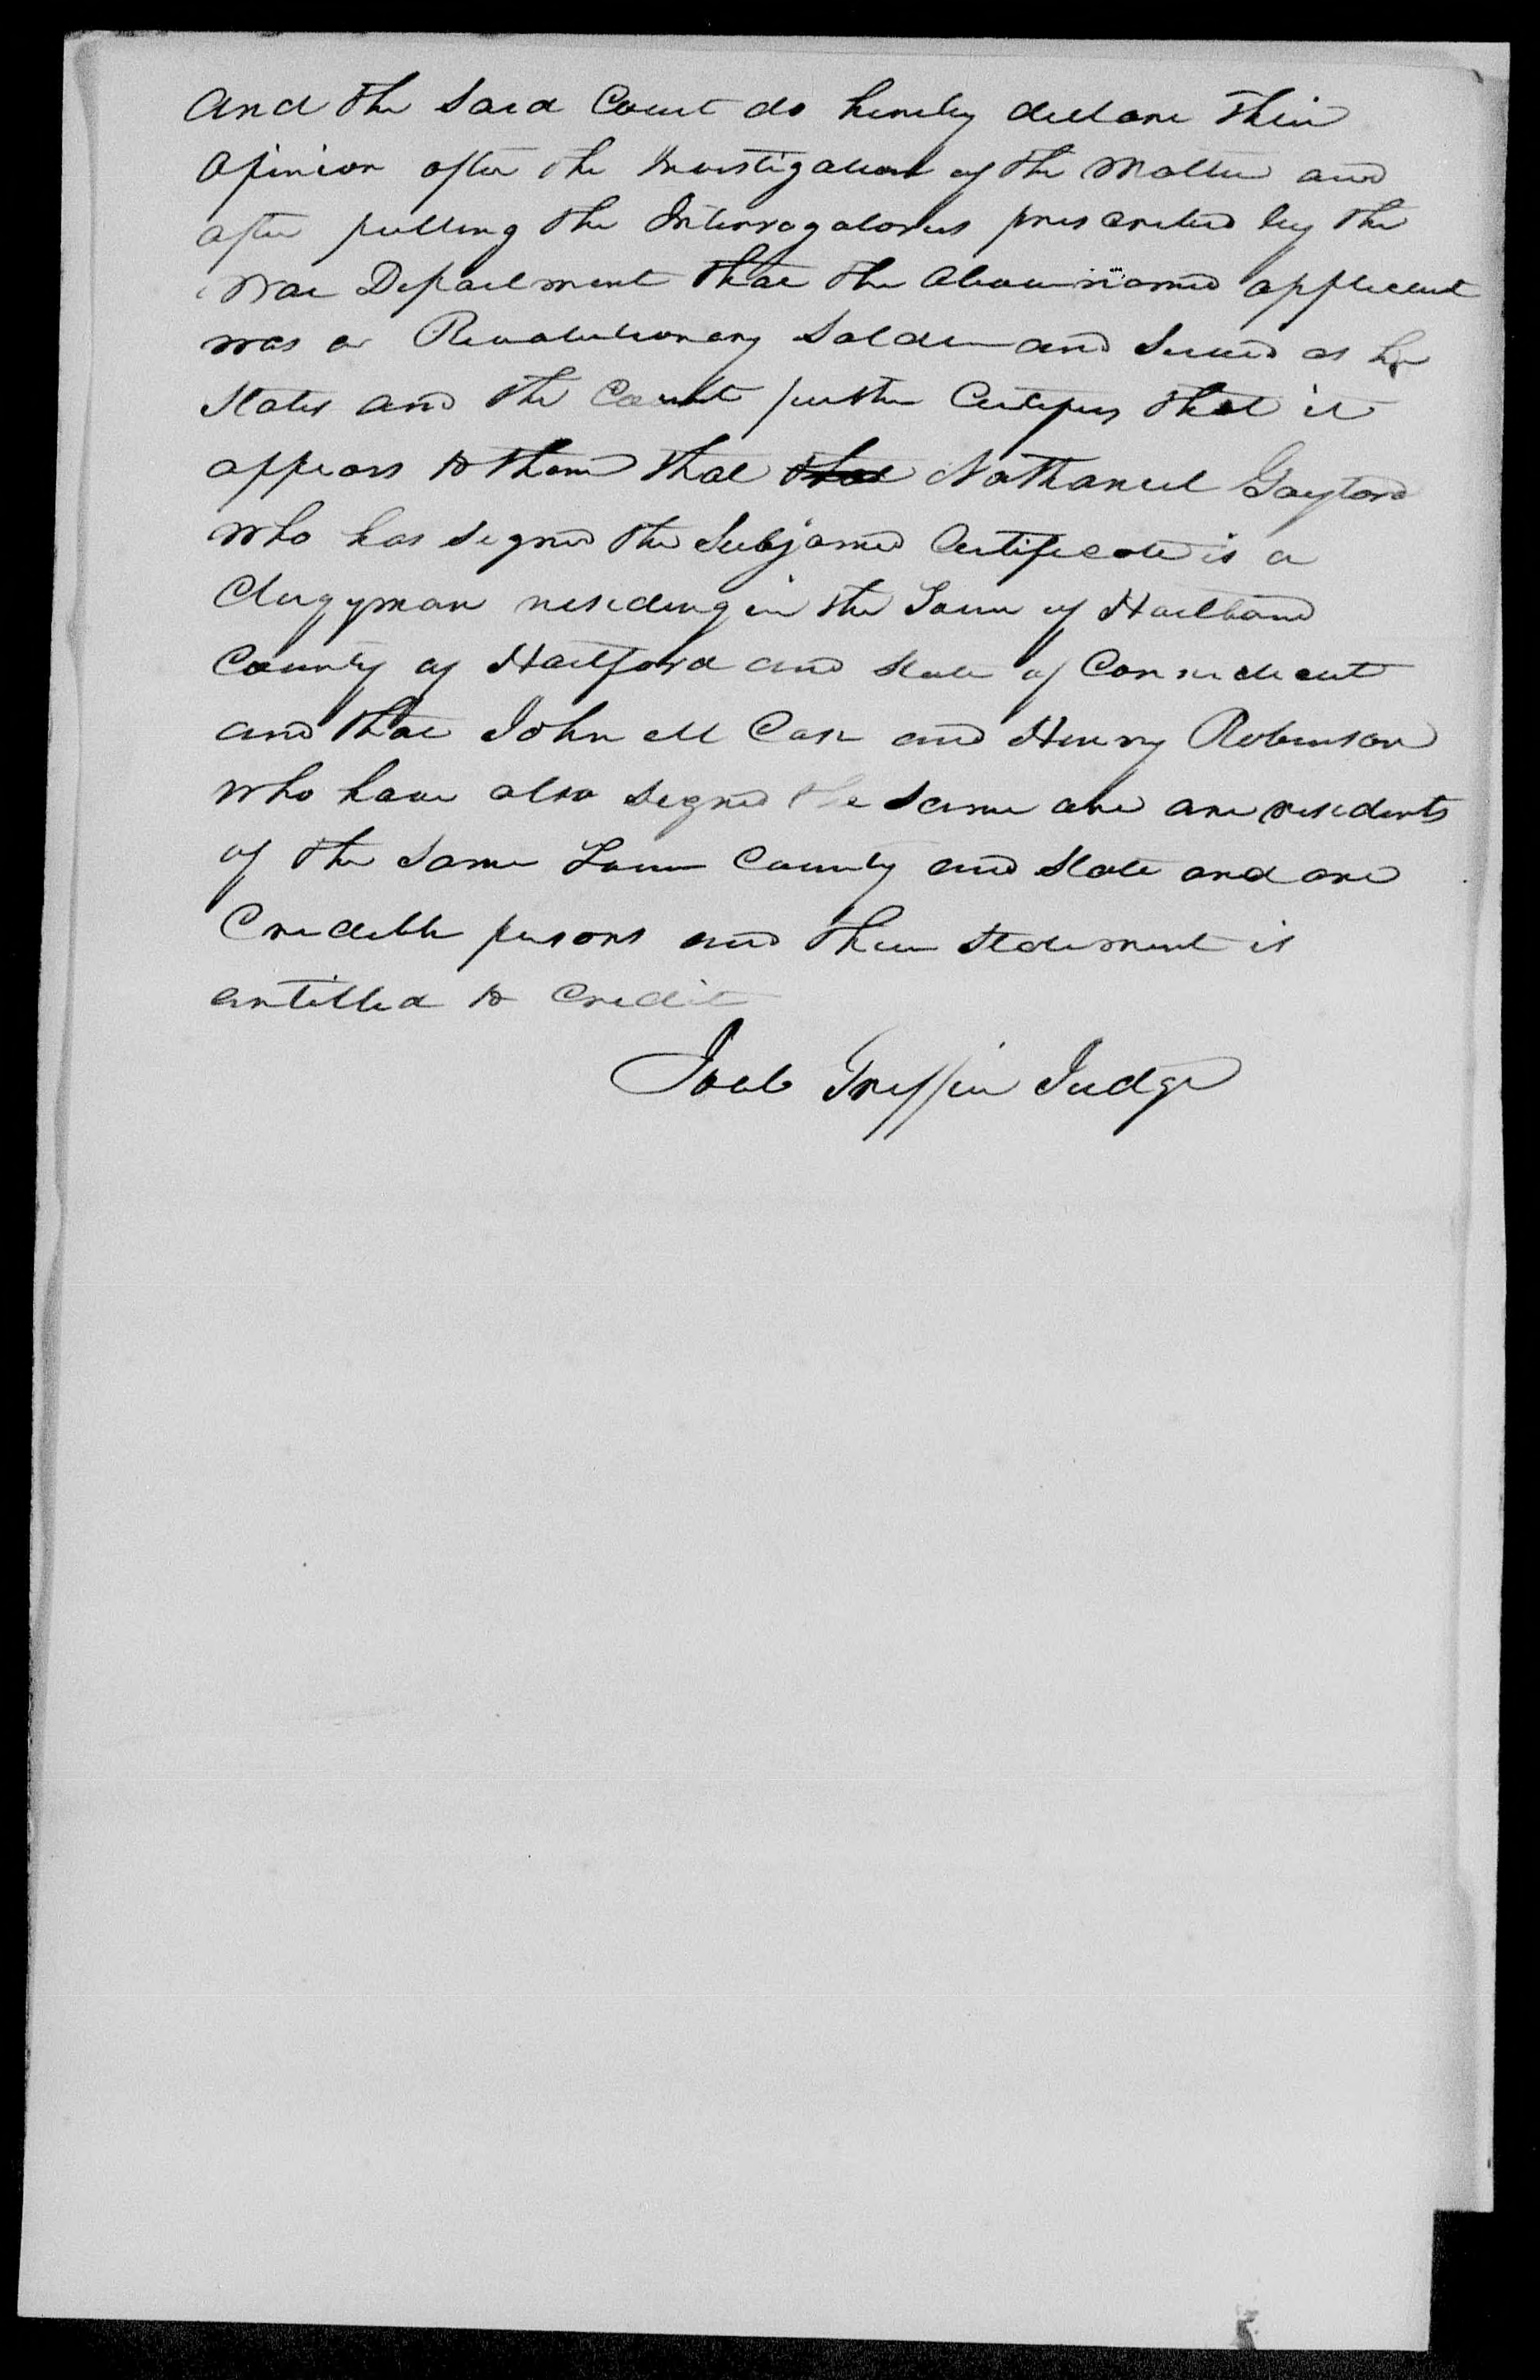and the said Court do hereby declare their
opinion after the investigation of the matter and after pulling the Interrogatories prescribed by the War Department that the above named applicant was a Revolutionary solder and served as he States and the Court further certifies that it appears to them that Nathaniel Gayton who has signed the Subjamed Certificate is a Clergyman residing in the Same of Hartland County of Hartford and State of Connecticut and that John M Can and Henry Robinson who have also signed the same are are residents of the same Town County and State and one credible persons and their statement is entitled to credit
Joab Griffen Judge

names: John M Case, Joab Griffin, Henry Robinson, Nathaniel Gaylord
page: 9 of 76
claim: widow's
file: W. 5,250, Timothy Coe, Conn.